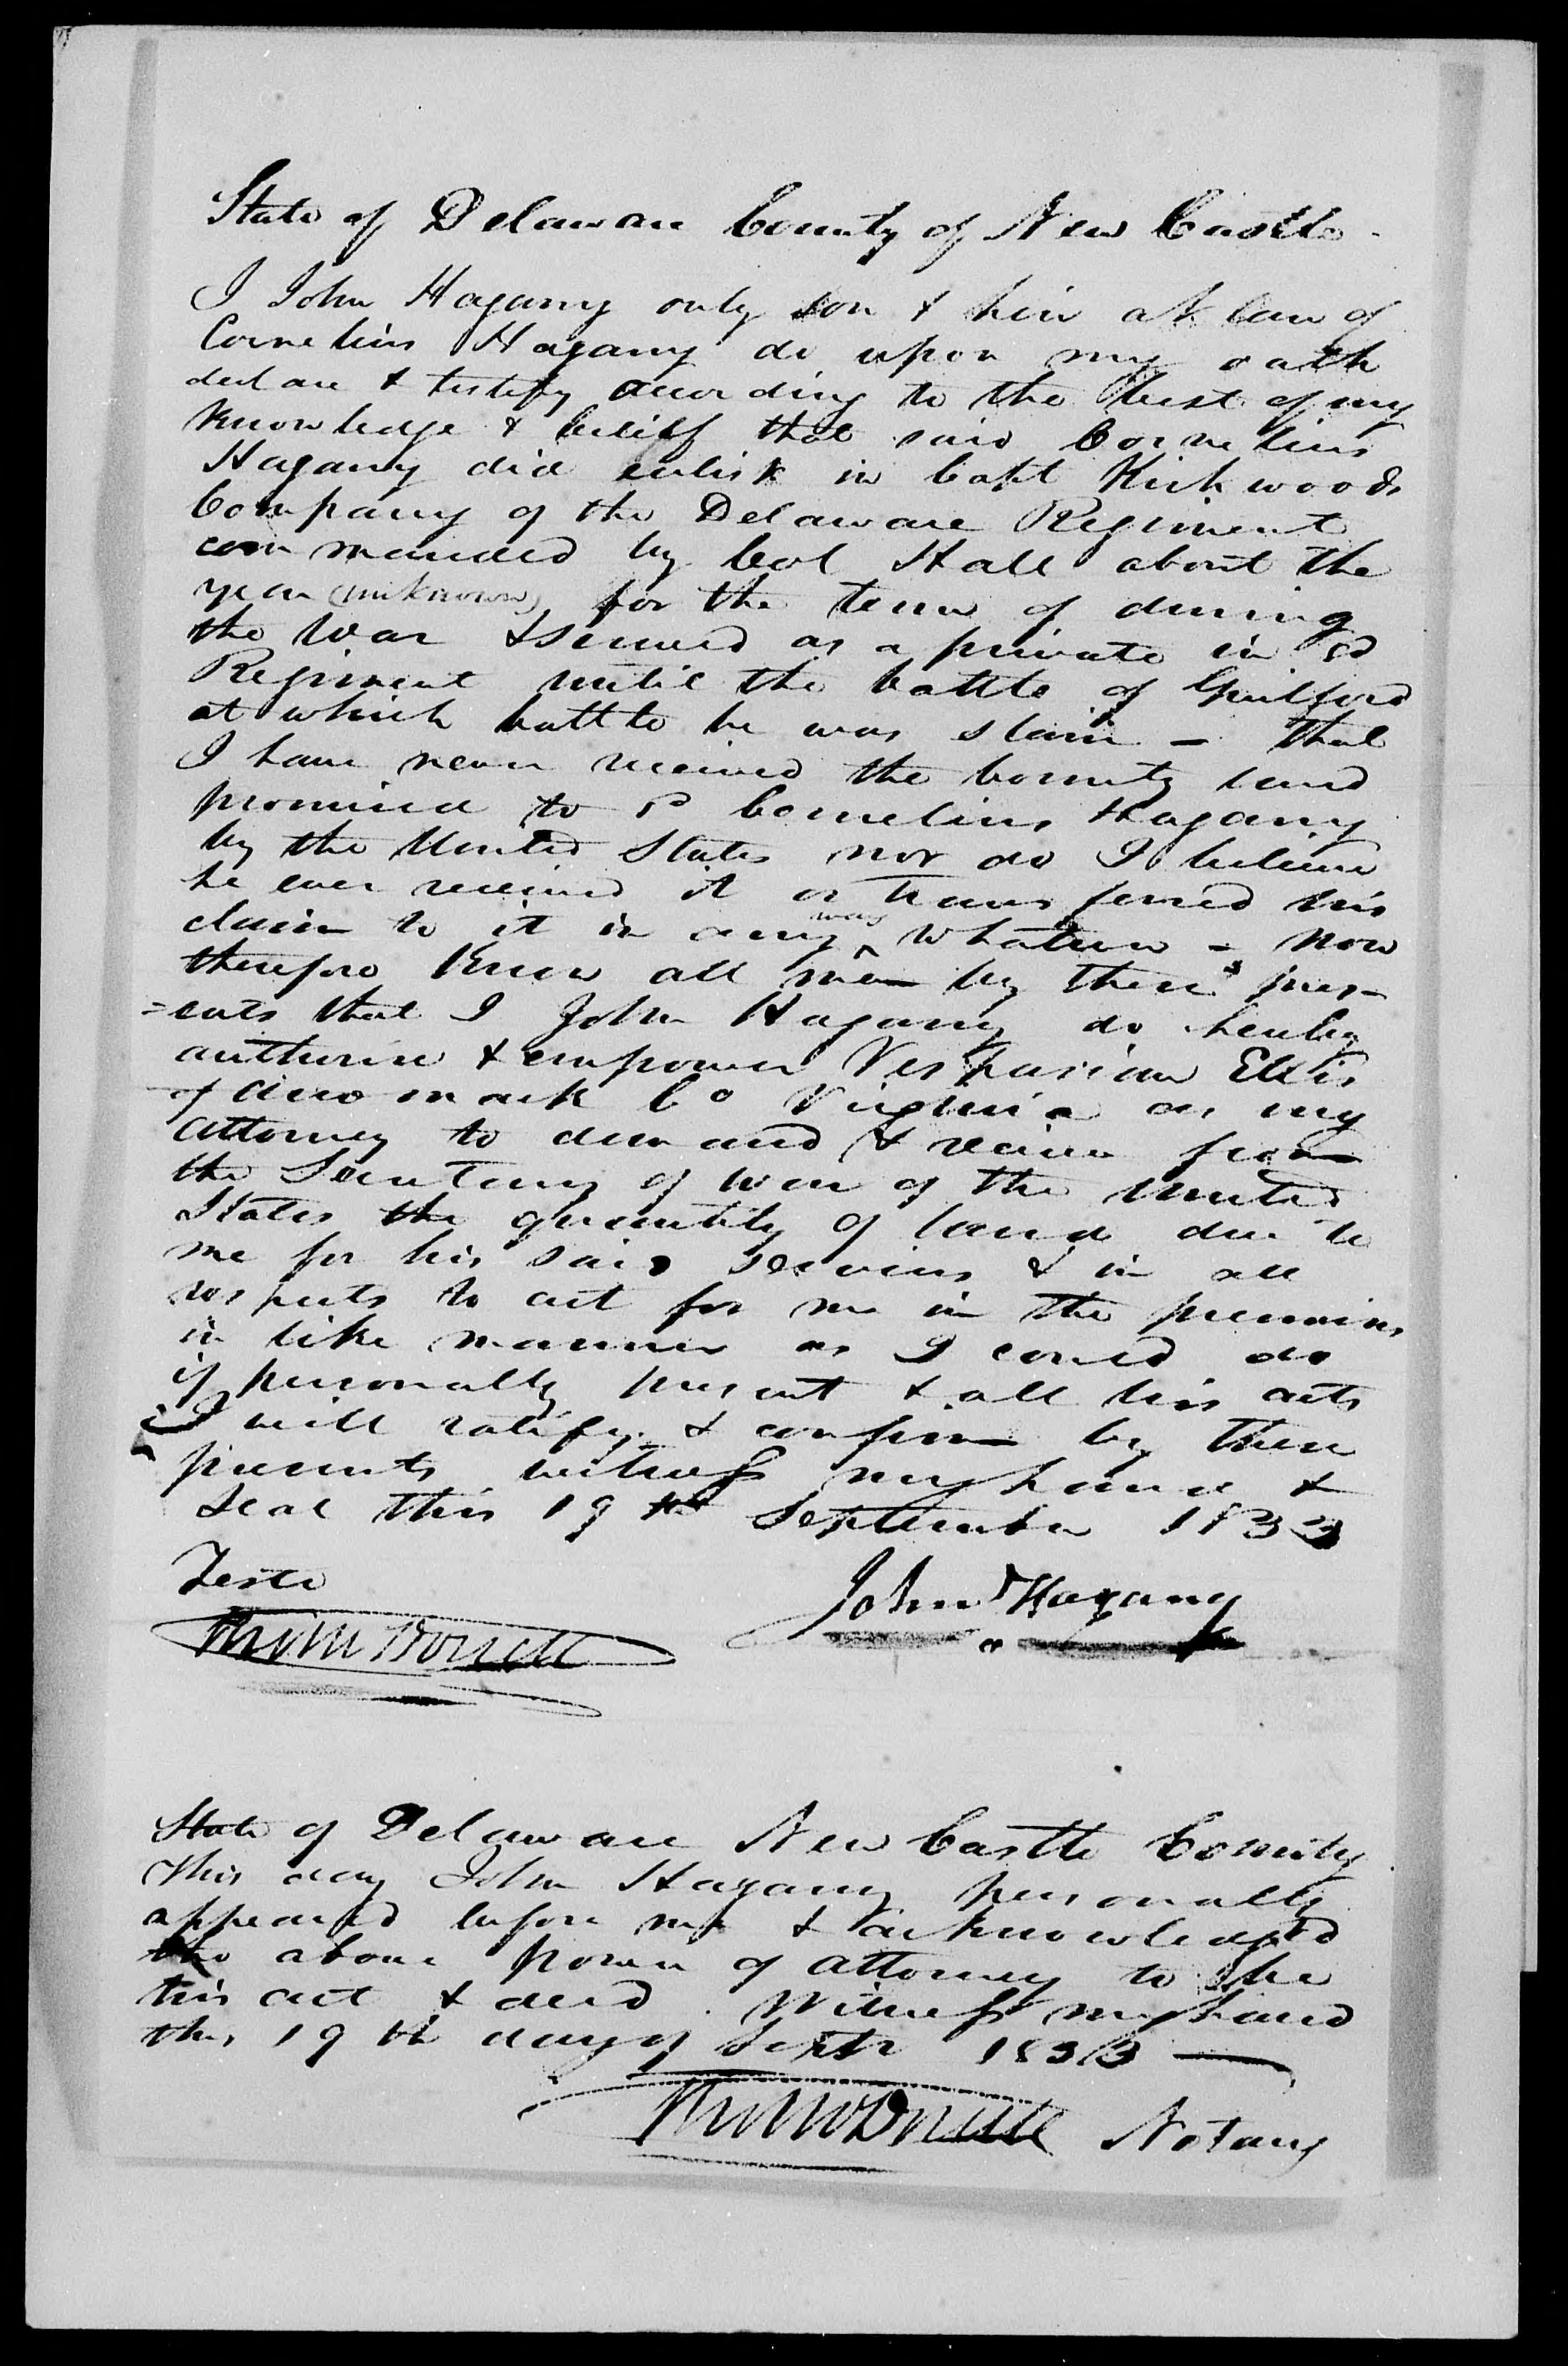State of Delaware County of New Castle

I John Hagany only son & heir at law of Cornelius Hagany do upon my oath declare & testify according to the best of my knowledge & belief that said Cornelius Hagany did enlist in Capt. Kirkwoods Company of the Delaware Regiment commanded by Col. Hall about the year unknown, for the term of during the War & served as a private in sd Regiment until the battle of Guilford at which battle he was slain – that I have never received the County land promised to sd Cornelius Hagany by the United States nor do I believe he ever received it or transferred his claim to it in any ^way whatever – now therefore know all men by these presents that I John Hagany do hereby authorize and empower Vespasian Ellis of Accomack Co Virginia as my attorney to {illegible} & receive from the Secretary of War of the United States the quantity of land due me for his said services & in all suspects to act for me in the process (?) in like manner as I could do if personally present &  all his acts I will ratify & confirm by these presents witness my hand & Seal this 19th September 1833
John Hagany
Thom. McDonell

State of Delaware New Castle County
This day John Hagany personally appeared before me & acknowledged the above power of attorney to [unclear] this act & deed. Witness my hand this 19th day of Sept 1833

Thom McDonnell Notary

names: Tho Mc Donell, Cornelius Hagany, Tho Mc Donell, John Hagany, Vespasian Ellis, Cornelius Hagany, John Hagany, John Hagany, Cornelius Hagany, Hall, John Hagany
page: 5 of 6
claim: bounty land warrant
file: B. L. Wt. 1971-100, Cornelius Hagany, Del.